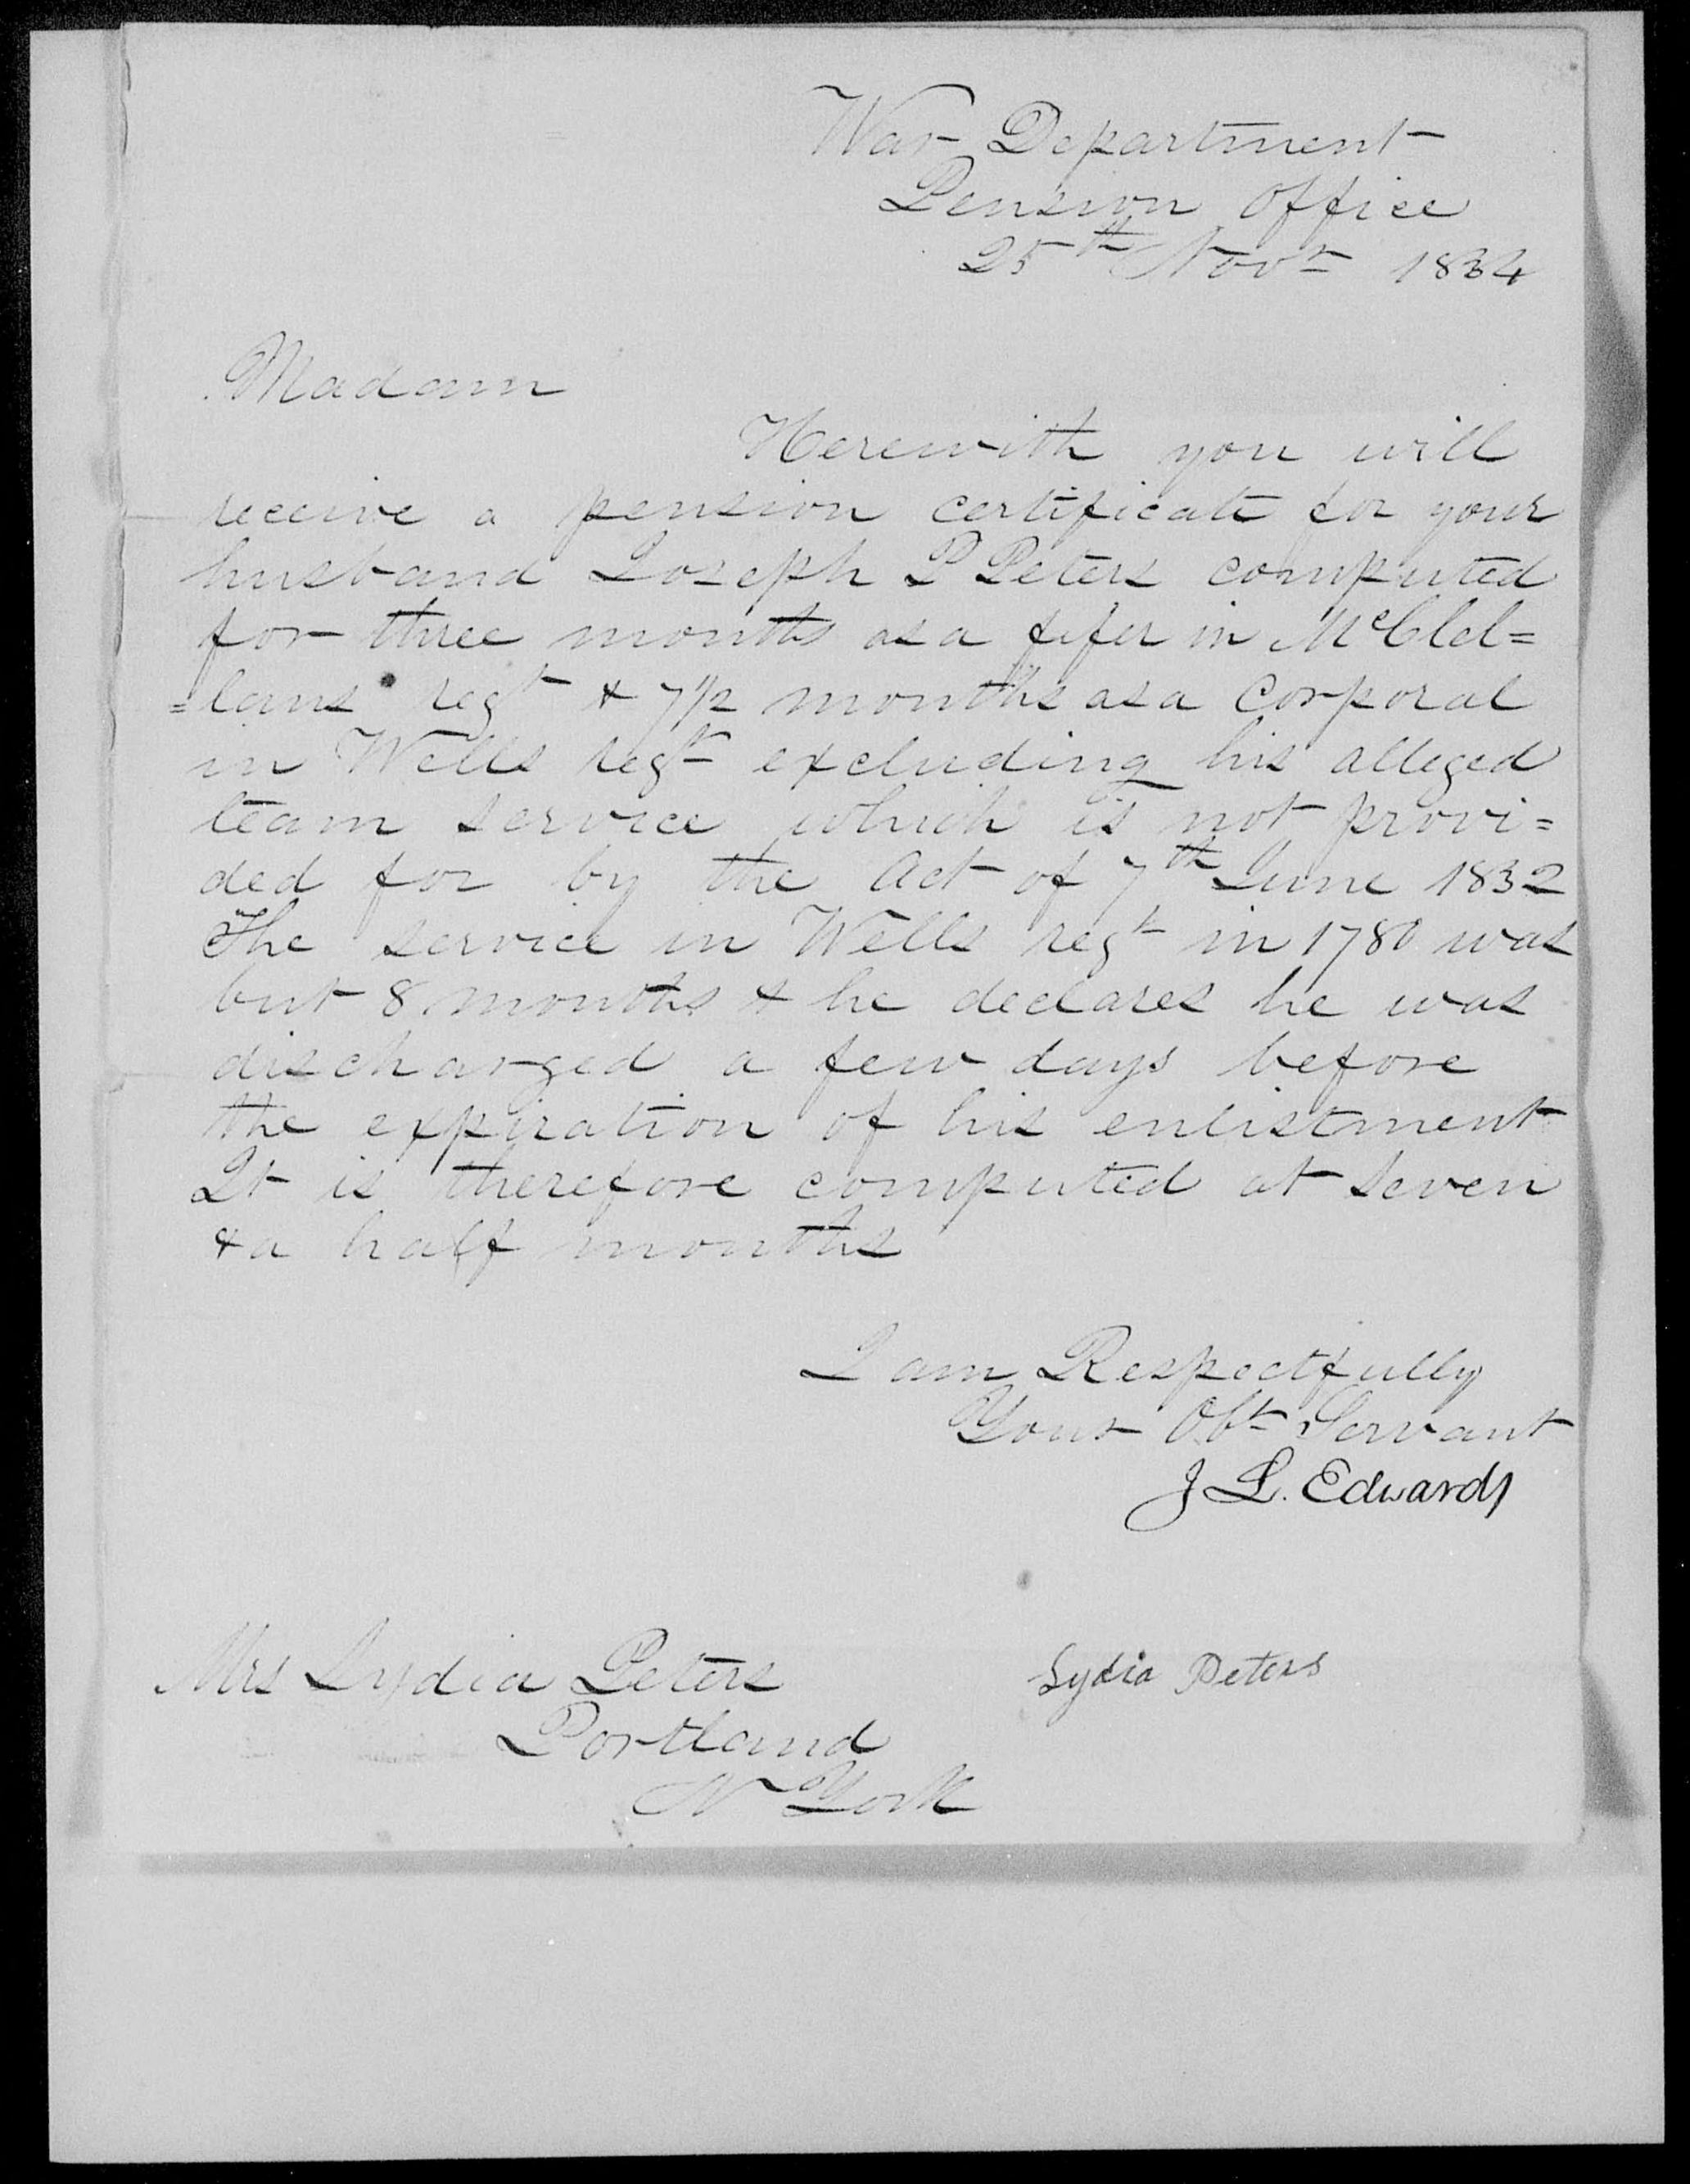War Department 
Pension Office 
25th Novr 1834 
Madam,
Herewith you will receive a pension certificate for your husband Joseph P Peters computed for three months as a fifer in McClellans regt & 7 ½ months as a Corporal in Wells regt excluding his alleged team service, which is not provided for by the Act of 7th June 1832. The service in Wells Regt in 1780 was but 8 months & he declares he was discharged a few days before the expiration of his enlistment It is therefore computed at Seven & a half months. 
I am Respectfully 
Your Obt Servant 
J L. Edwards
Lydia Peters 
Portland New York Lydia Peters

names: Joseph P Peters; J L Edwards; Lydia Peters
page: 47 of 73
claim: widow's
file: W. 2338, for Joseph P Peters, Connecticut